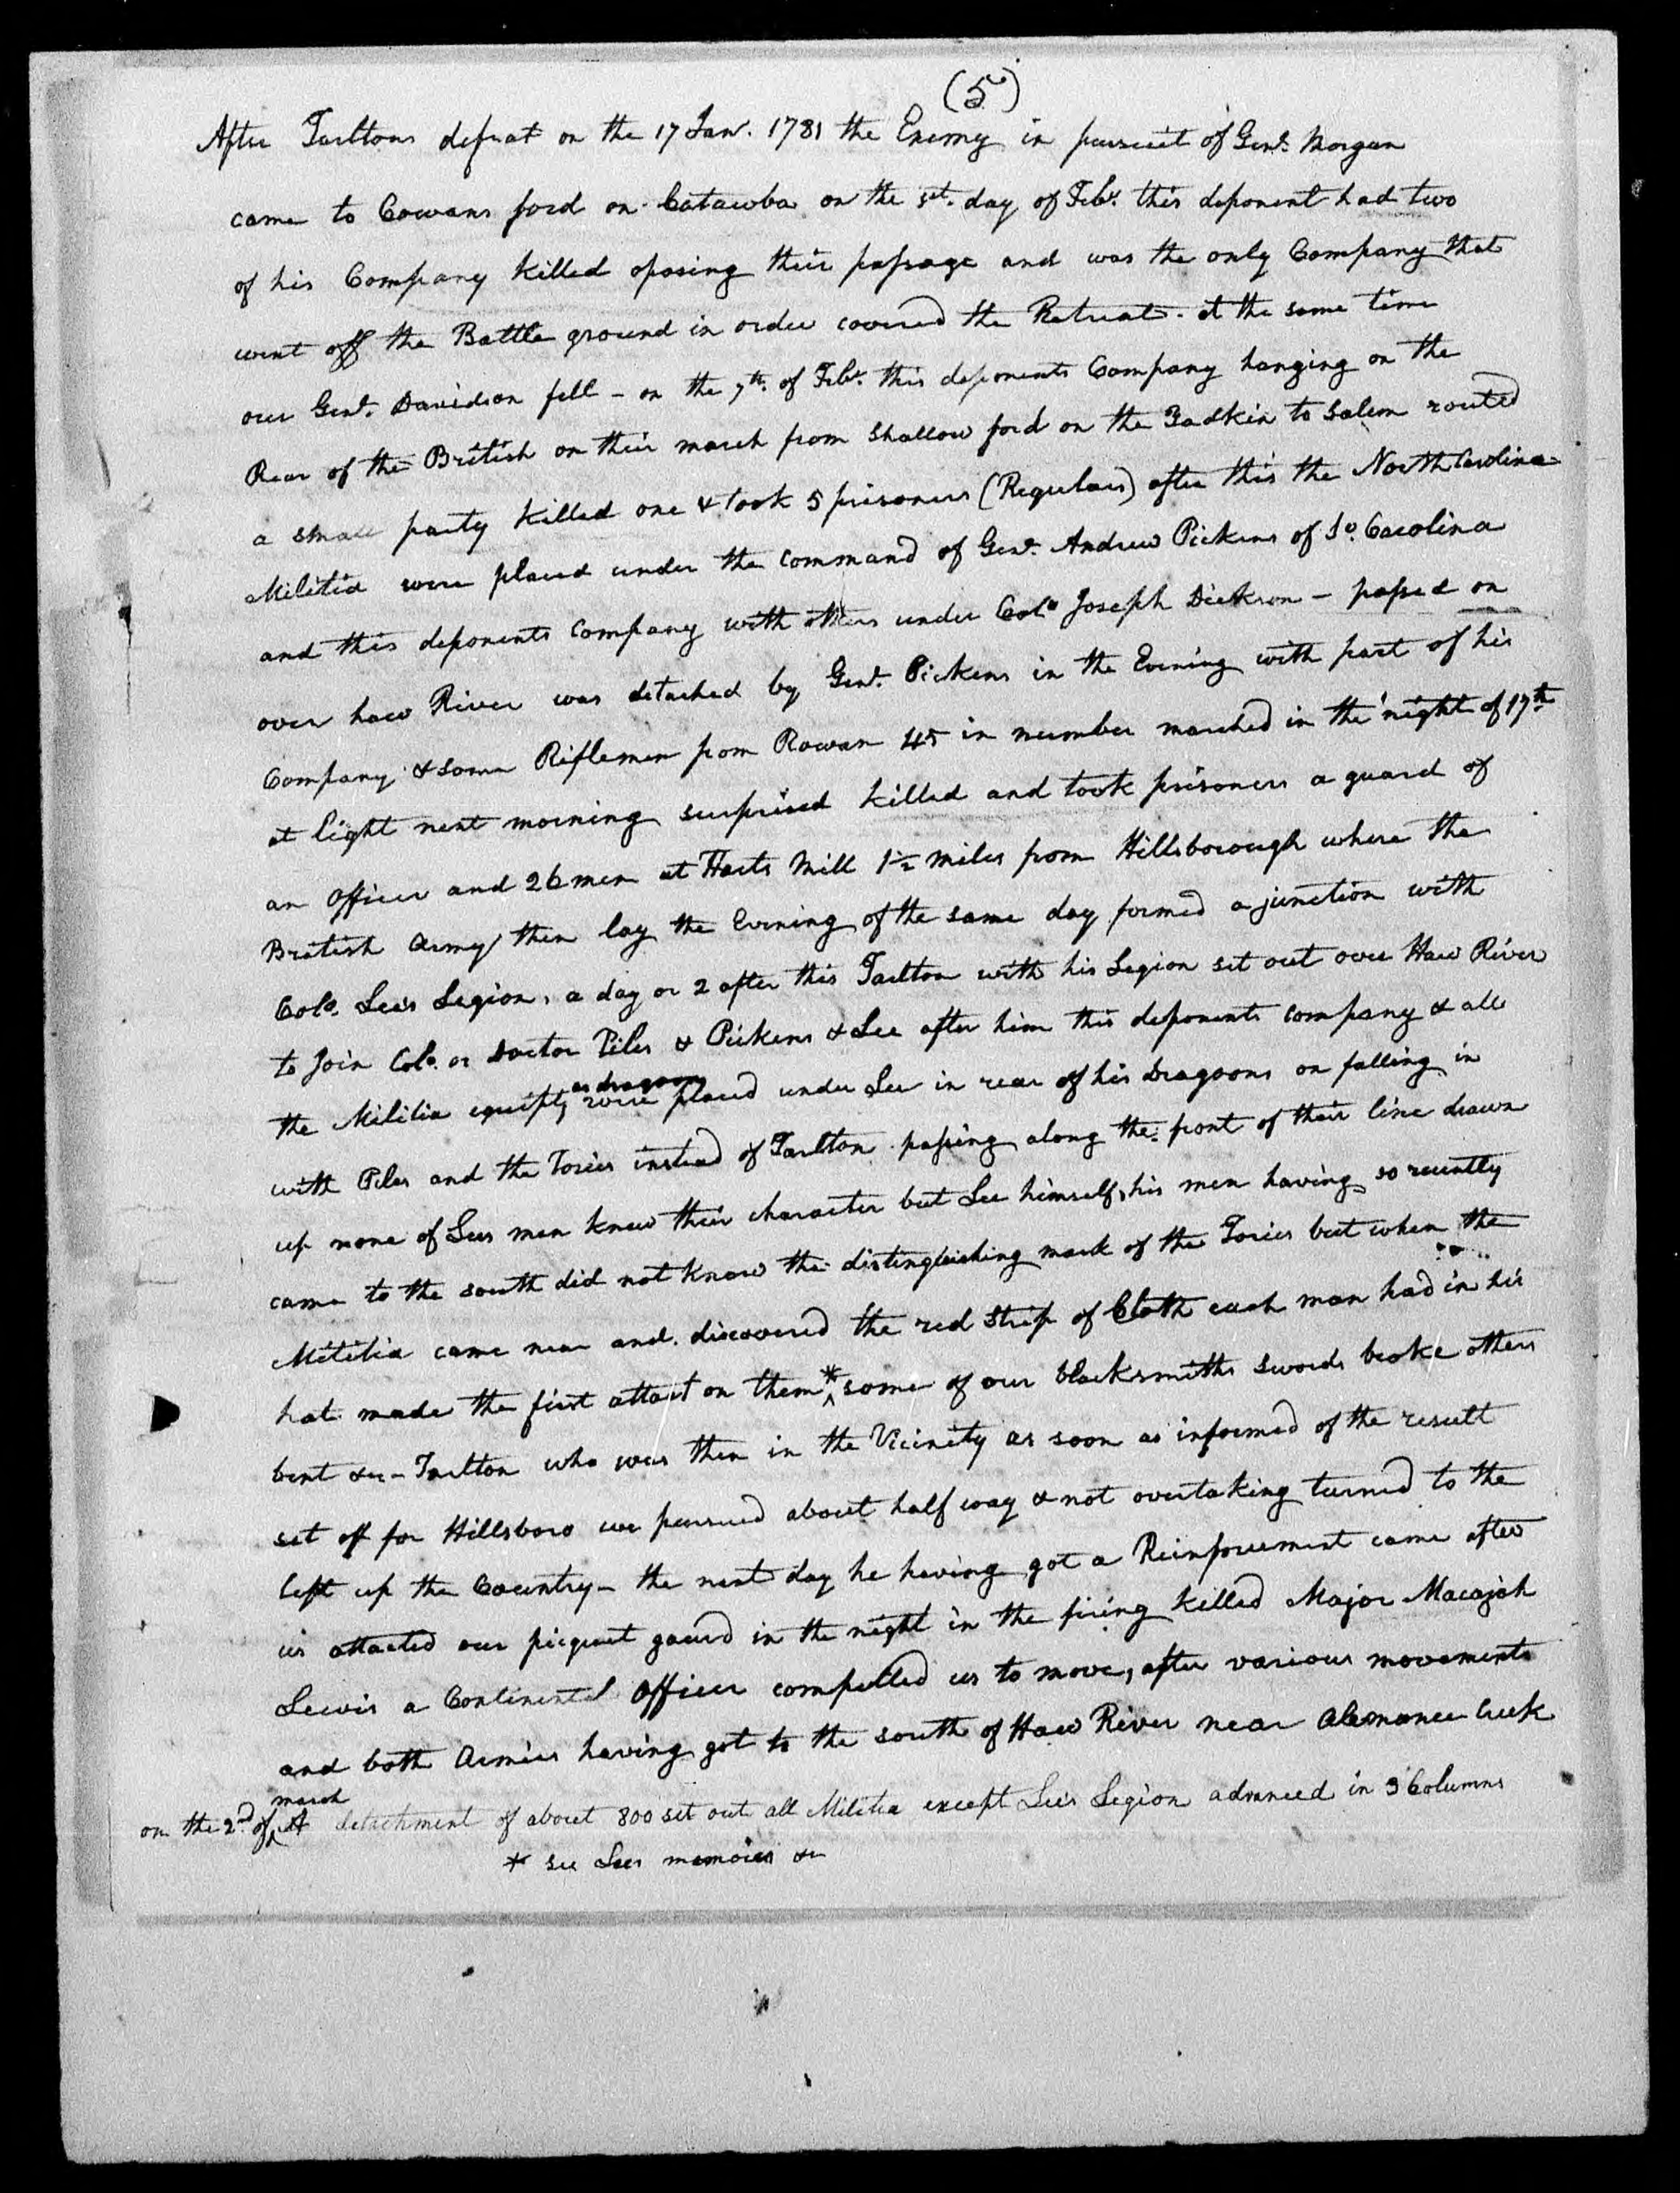(5)
After Tarlton's defeat on the 17 Jan. 1781 the Enemy in pursuit of Gen'l Morgan came to Cowan's ford on Catawba on the set day of Feb. this deponent had two of his company killed opposing their passage and was the only company that went off the Battle ground in order covered the Retreat at the same time our Gen'l. Davidson fell - on teh 7th of Feb. this deponent's Company hanging on the rear of the British on their march from Shallow Ford on the Yadkin to Salem routed a small party killed one & took 5 prisoners (regulars) after this the  North Carolina militia were placed under the commande of Gen'l. Andrew Pickens of So. Carolina and this deponents company with others under Col. Joseph Dickson - Passed on over Haw river was detached by Gen'l. Pickens in the Evening with part of his company & some Riflemen from Rowan 45 in number marched in the night of 17th at light next morning surprised killed and took prisoners a guard of an officer and 26 men at Harts Mill 1 1/2 miles from Hillsborough where the British Army then lay the Evening of hte same day formed a junction with Col. Lee's Legion, a day or 2 after this Tarlton with his Legion set out over Haw to join Col . or Doctor Piles & Pickens & Lee after him this deponent's company & all the Militia equipted as draoons were placed under Lee in rear of his Dragoons on falling in with PIles and the Tories instead of Tarloton passing along the front of their line drawn up none of Lees men knew their characer but Lee himself, his men having so recently come to the south did not know the distinguishing mark of the Tories but when the Militia came near and discovered the red stip of Cloth each man had in his hat made the first attack on them* some of our blacksmiths swords broke others bent &c - Tarlton who was then in the vicinity as soon as informed of the result set off for Hillsboro we pursued about half way & not overtaking turned to left up the country - the next day he having got a Reinforcement came in  attacked our picquet guard in the night in the firing killed Major Macajah Lewis a Continental officer compelled us to move, after various movements and both Armies having got to the south of Haw River near Alamance creek on the 2nd of March , a detachment of about 800 set out all Militia except Lee's Legion advanced in 3 columns
*see Lee's memoirs &c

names: Lee, Davidson, Piles, Pickens, Lee, Pickens, Piles, Lee, Macajah Lewis, Joseph Dickson, Andrew Pickens, Morgan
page: 7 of 55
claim: survivor's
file: S. 6,937, Joseph Graham, N.C.